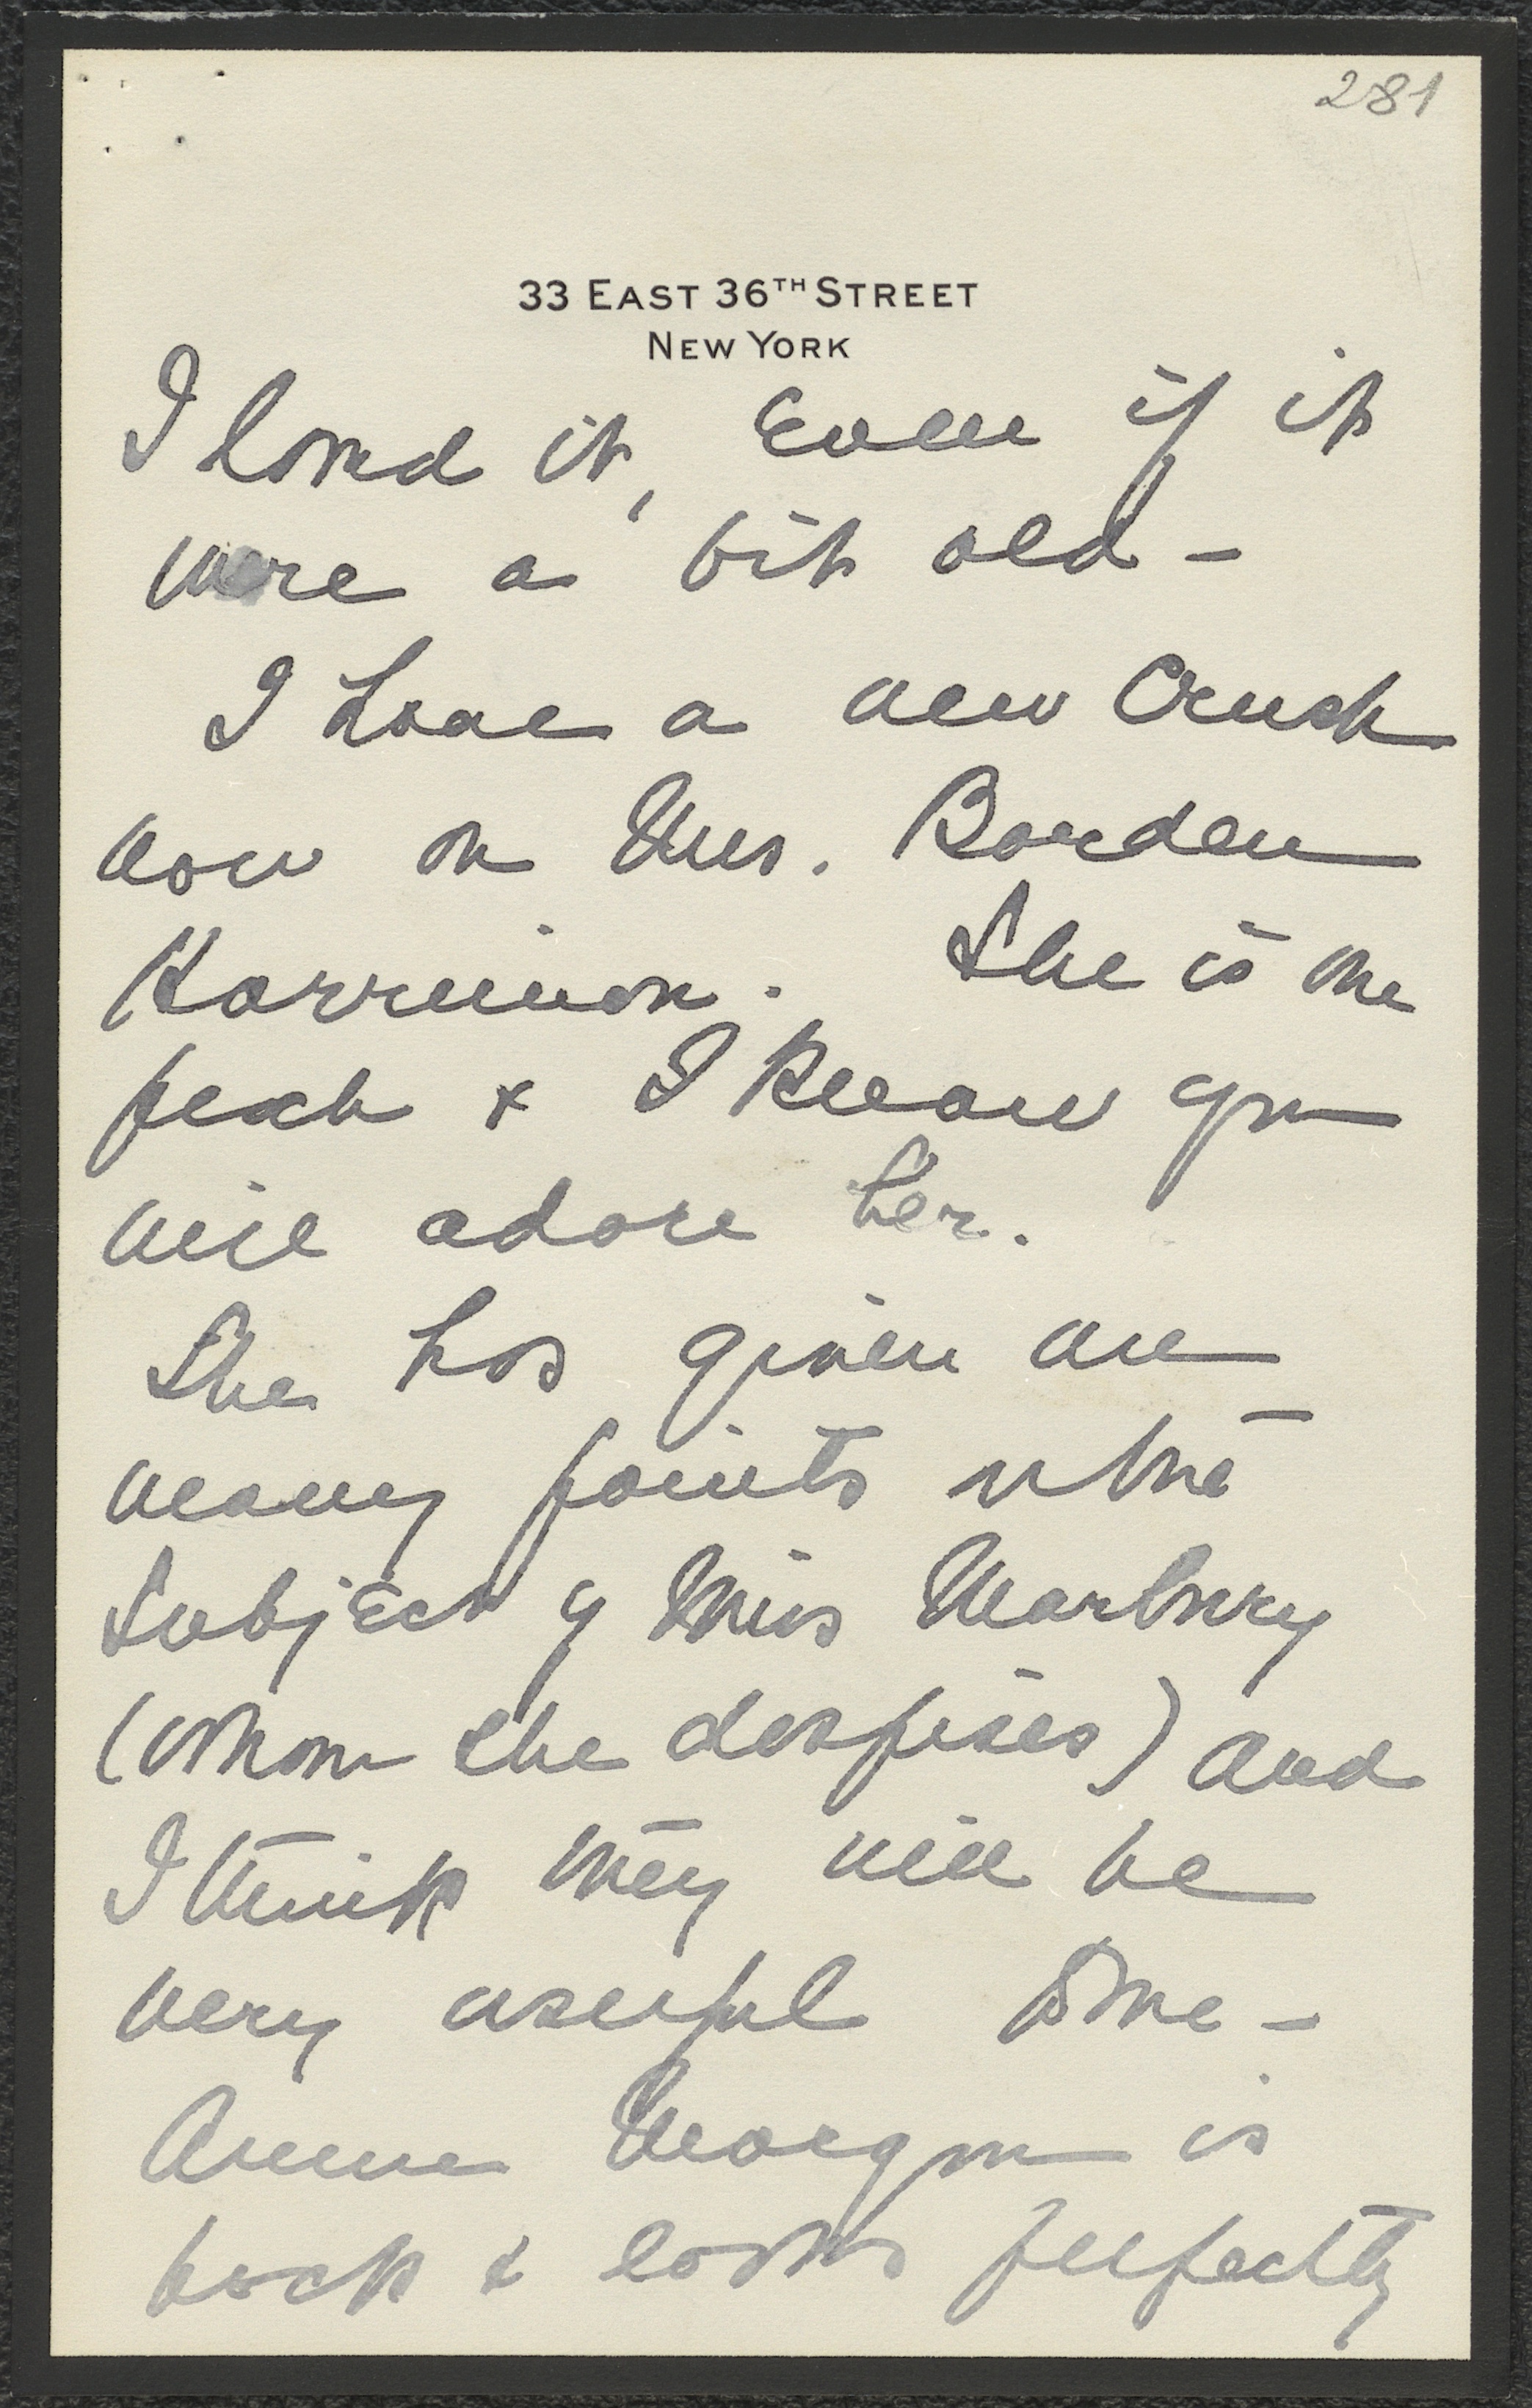I loved it, even if it were a bit old –
I have a new crush now on Mrs. Borden Harriman. She is one peach & I know you will adore her.
She has given me many points on the subject of Miss Marbury (whom she despises) and I think they will be very useful to me –
Anne Morgan is back & looks perfectly